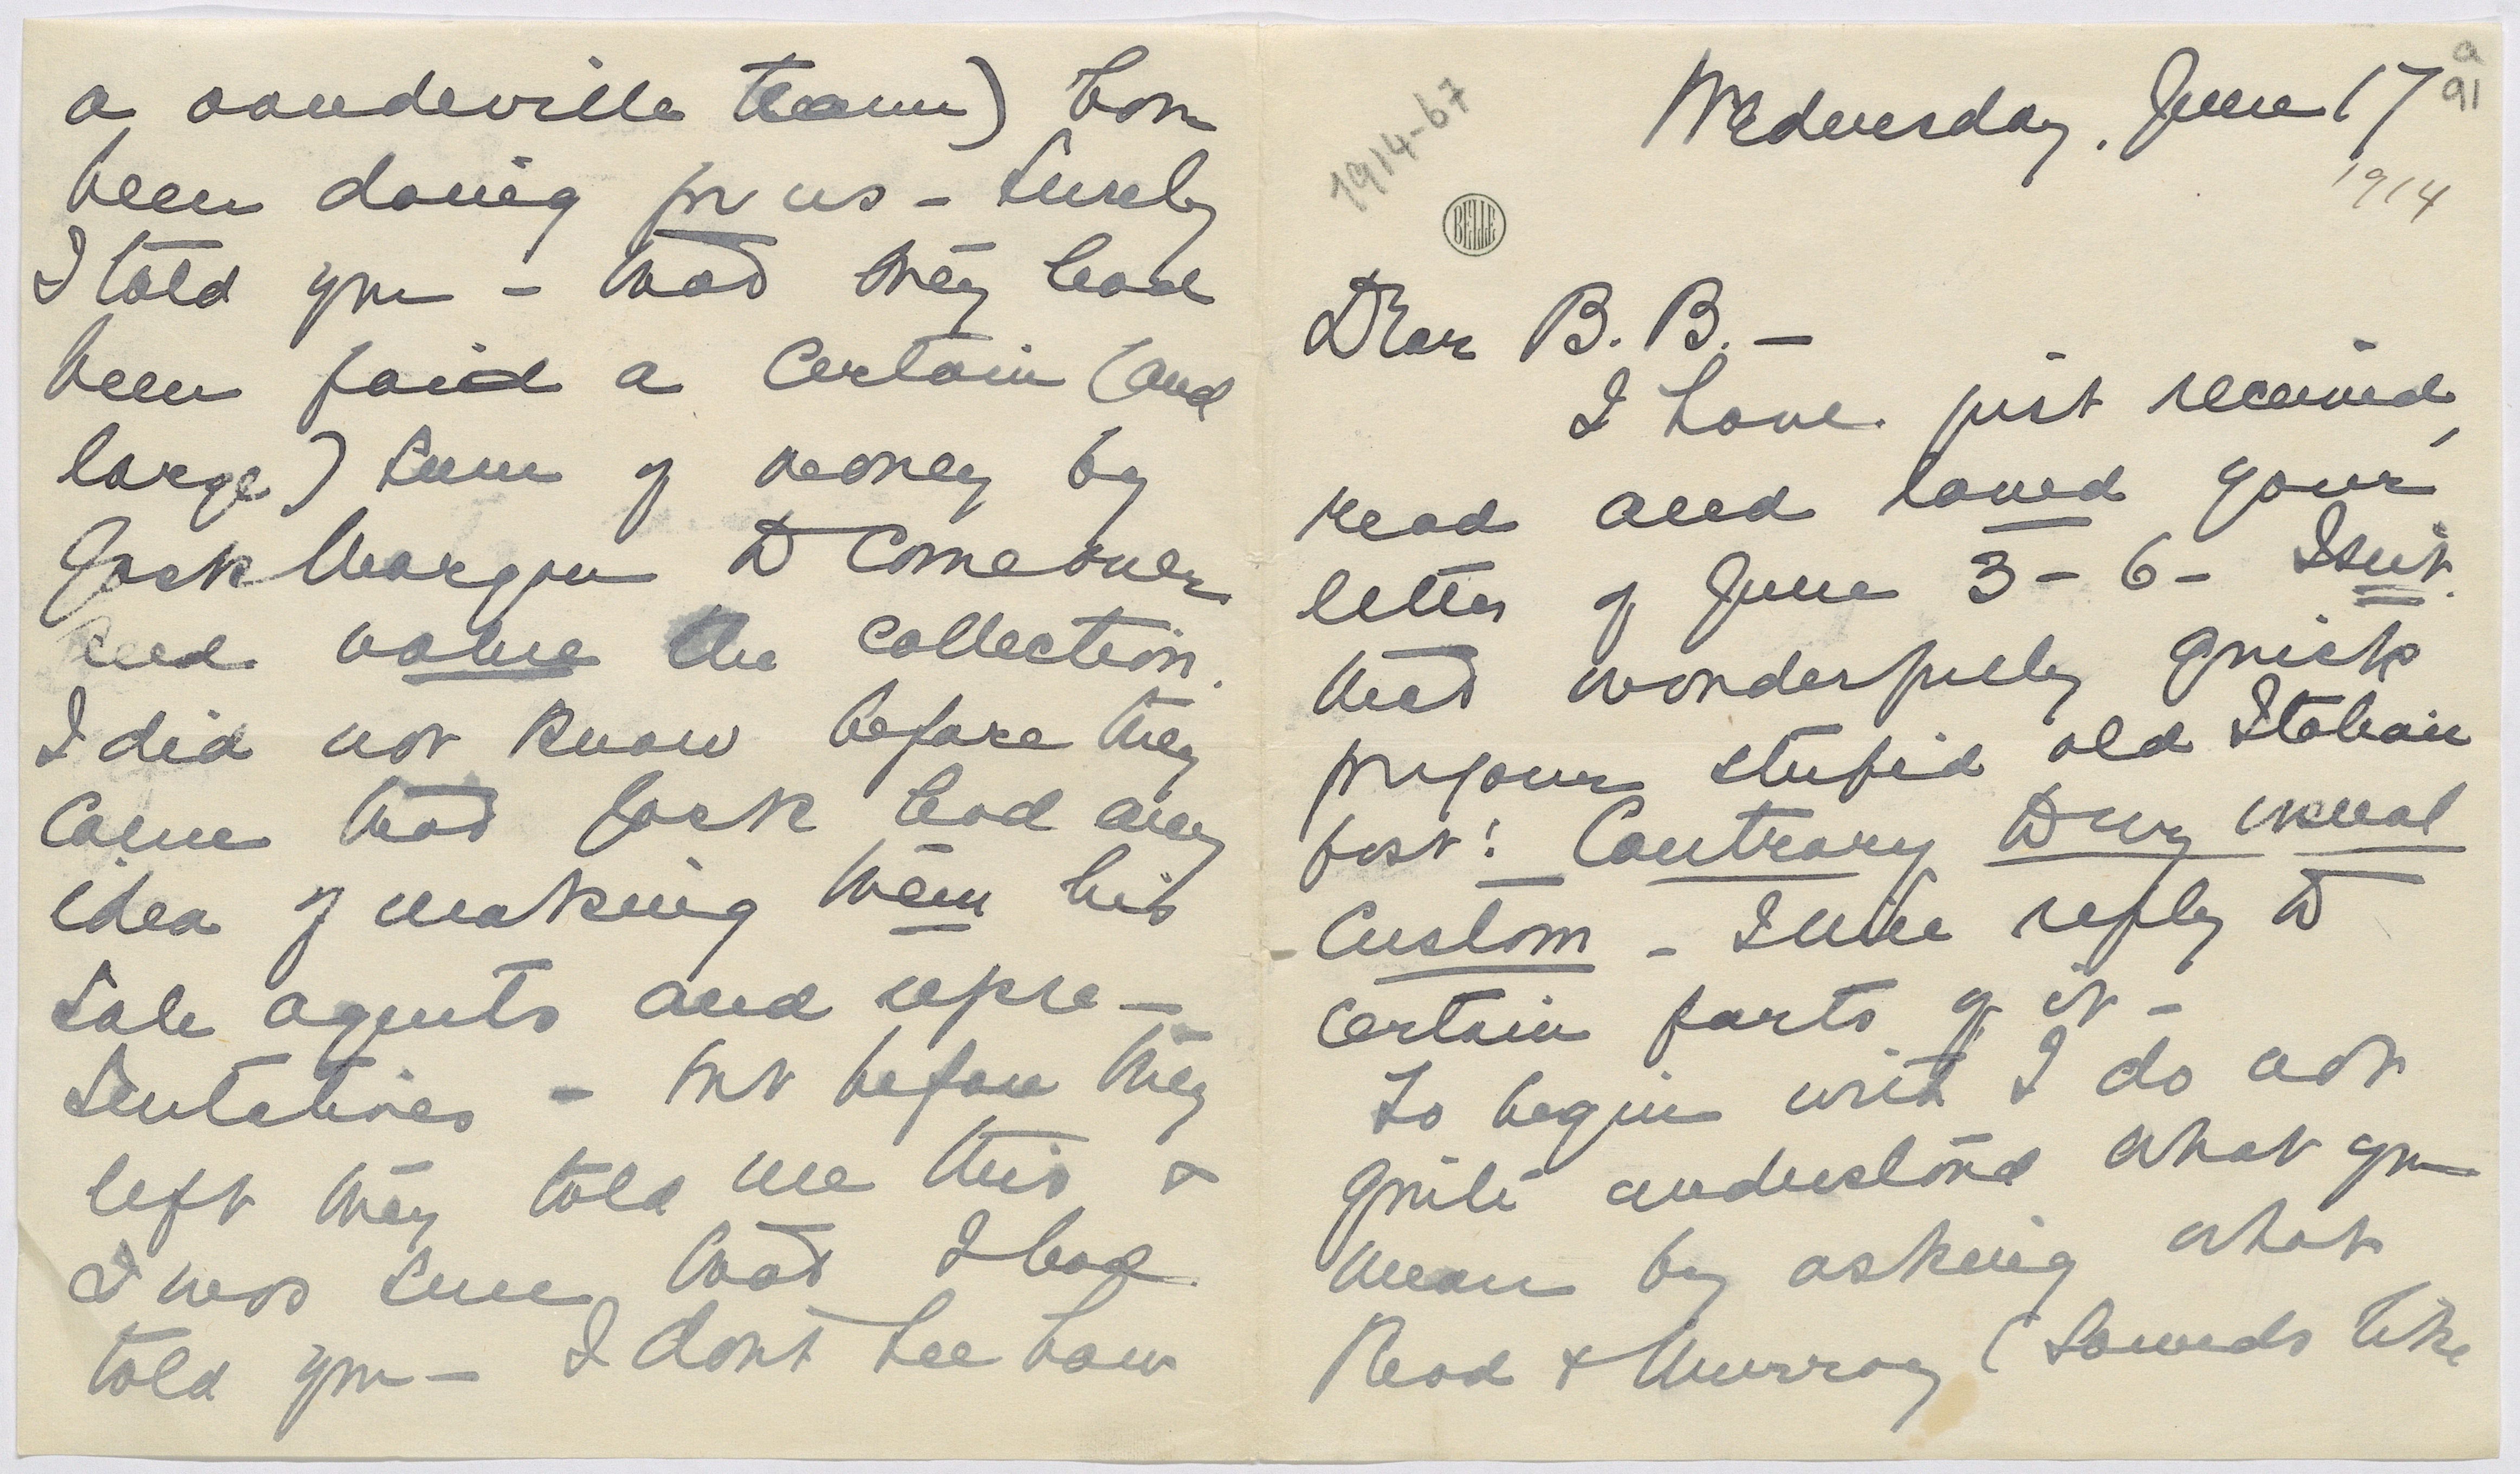Wednesday, June 17
Dear B. B. –
I have just received, read and loved your letter of June 3–6 – [double underlined: Isn’t] that wonderfully quick for your stupid old Italian post! Contrary to my usual custom – I will reply to certain parts of it –
To begin with I do not quite understand what you mean by asking what Read & Murray (sounds like
a vaudeville team) have been doing for us – Surely I told you – that they had been paid a certain (and large) sum of money by Jack Morgan to come over and value the collection. I did not know before they came that Jack had any idea of making them his sale agents and representatives – but before they left they told me this & I was sure that I had told you – I dont [sic] see how